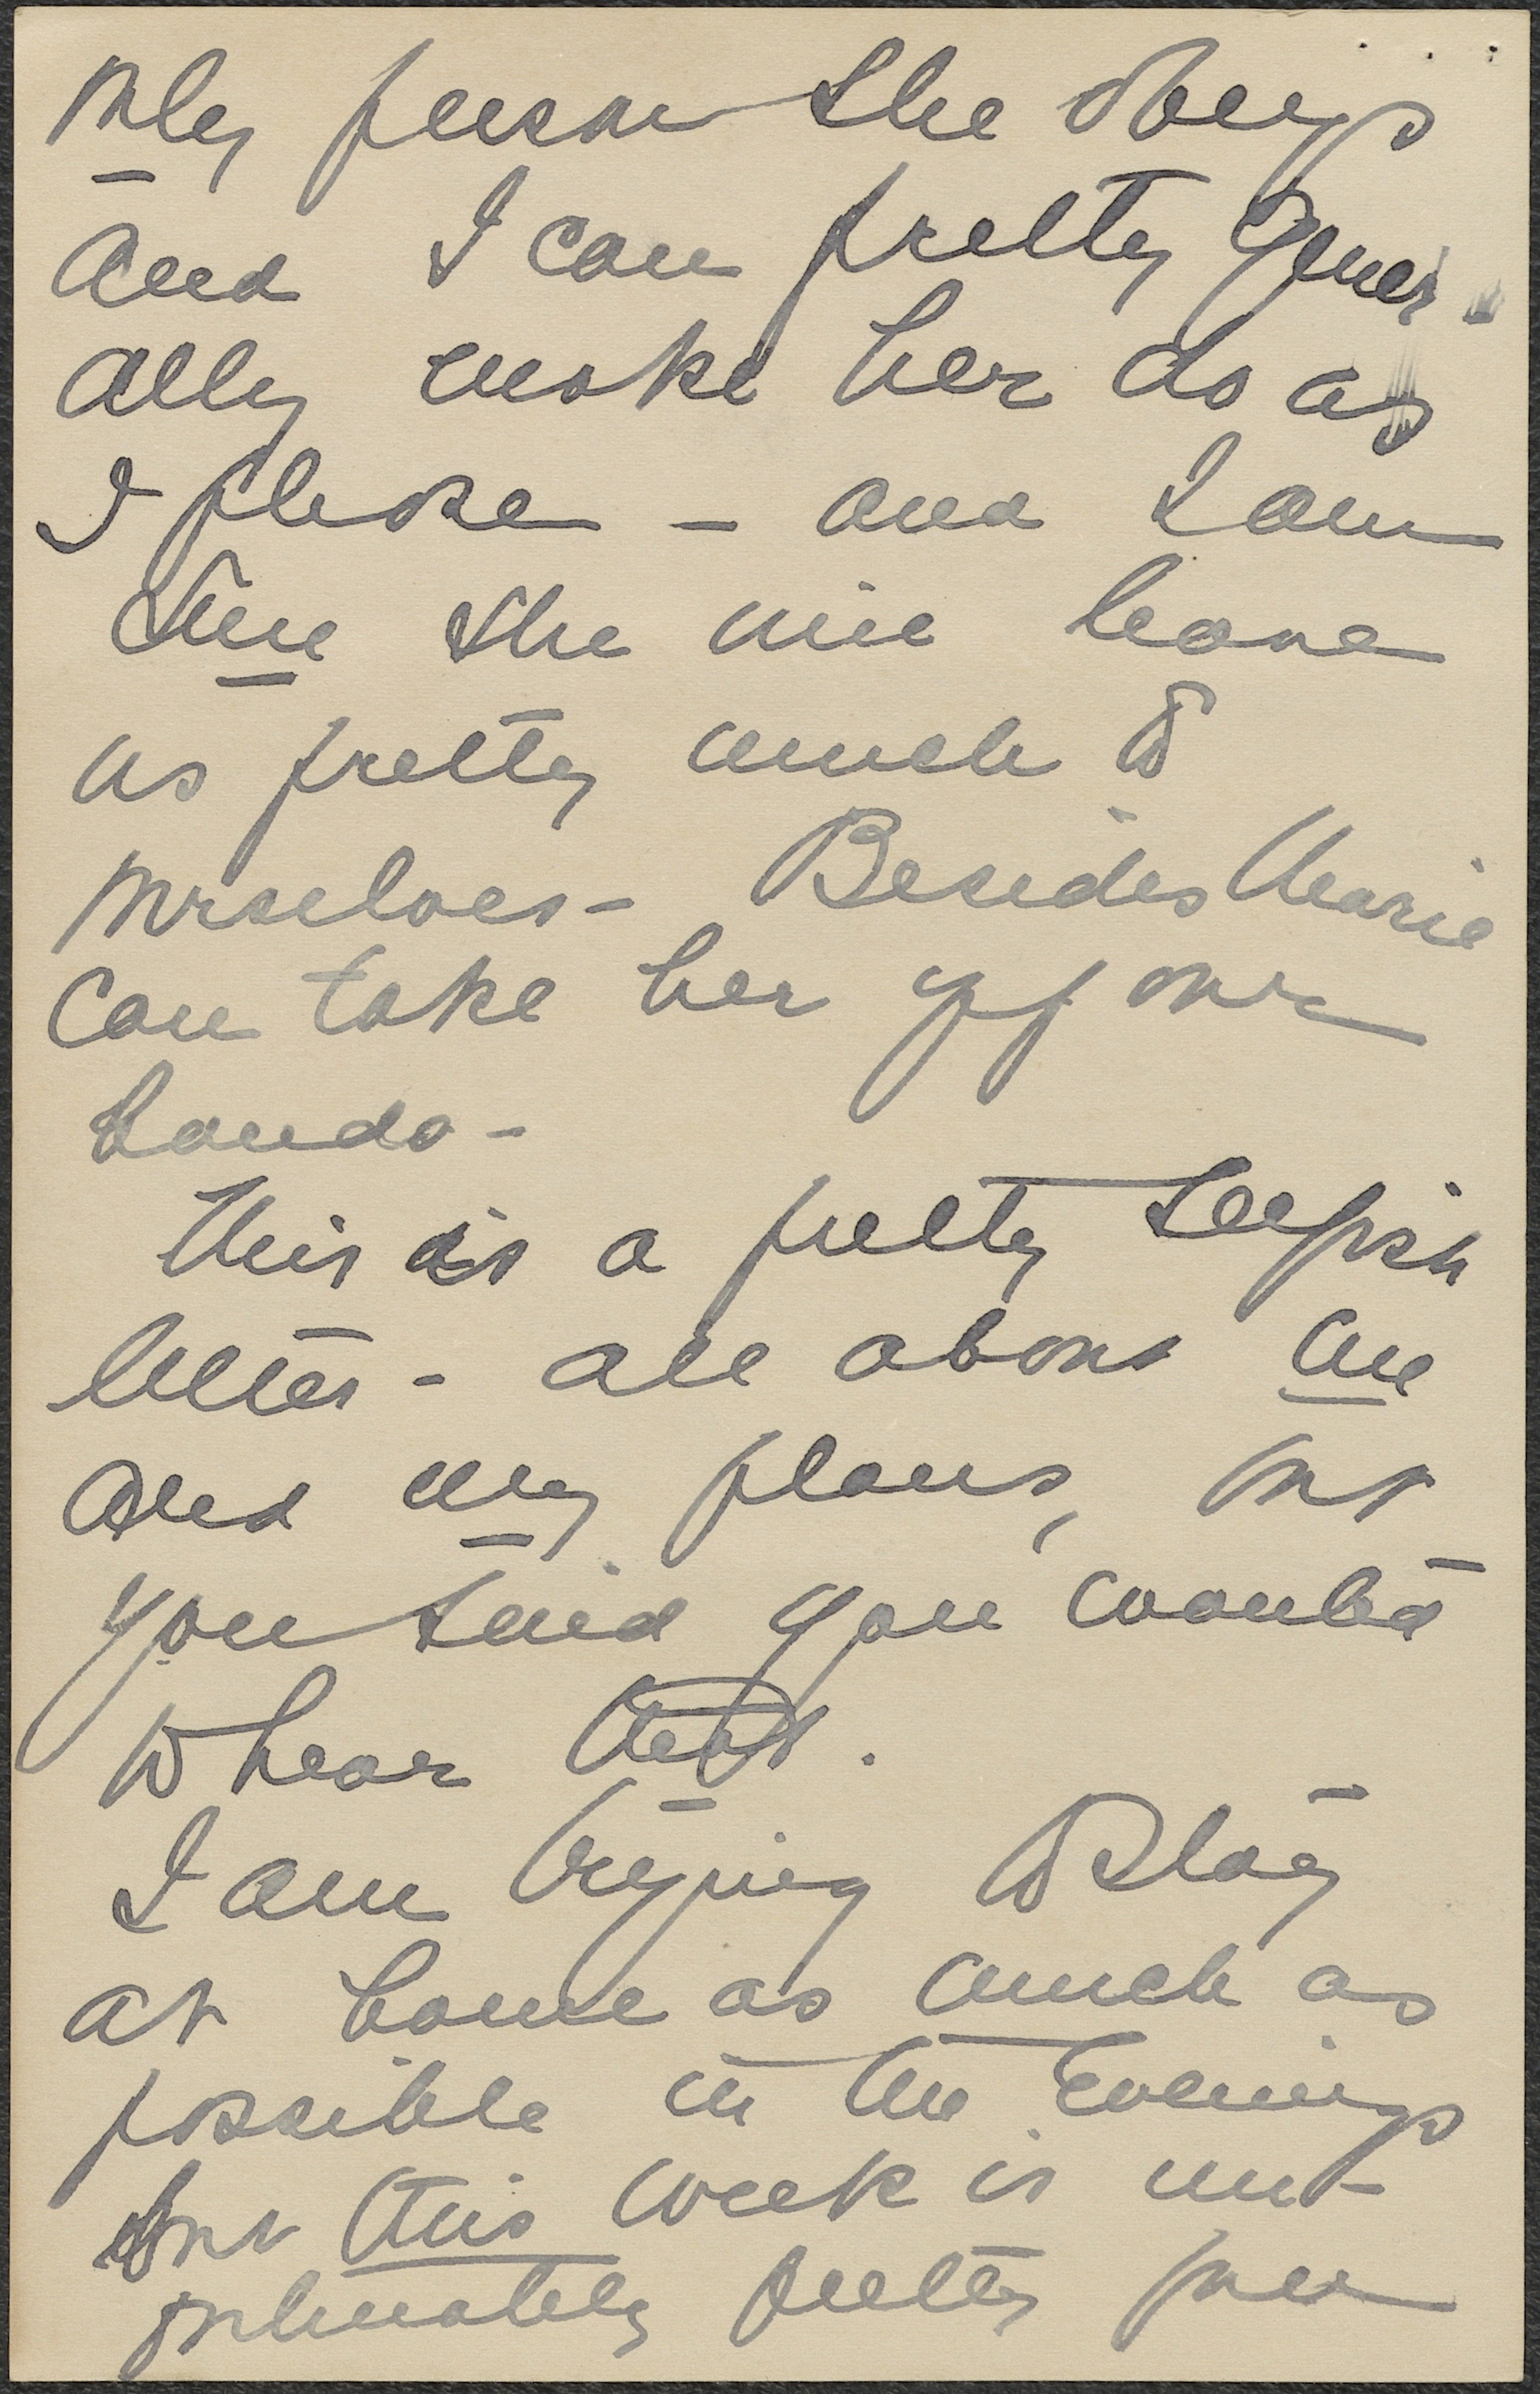only person she obeys and I can pretty generally make her do as I please – and I am sure she will leave us pretty much to ourselves – Besides Marie can take her off our hands –
This is a pretty selfish letter – all about me and my plans, but you said you wanted to hear that.
I am trying to stay at home as much as possible in the evenings but this week is unfortunately pretty full